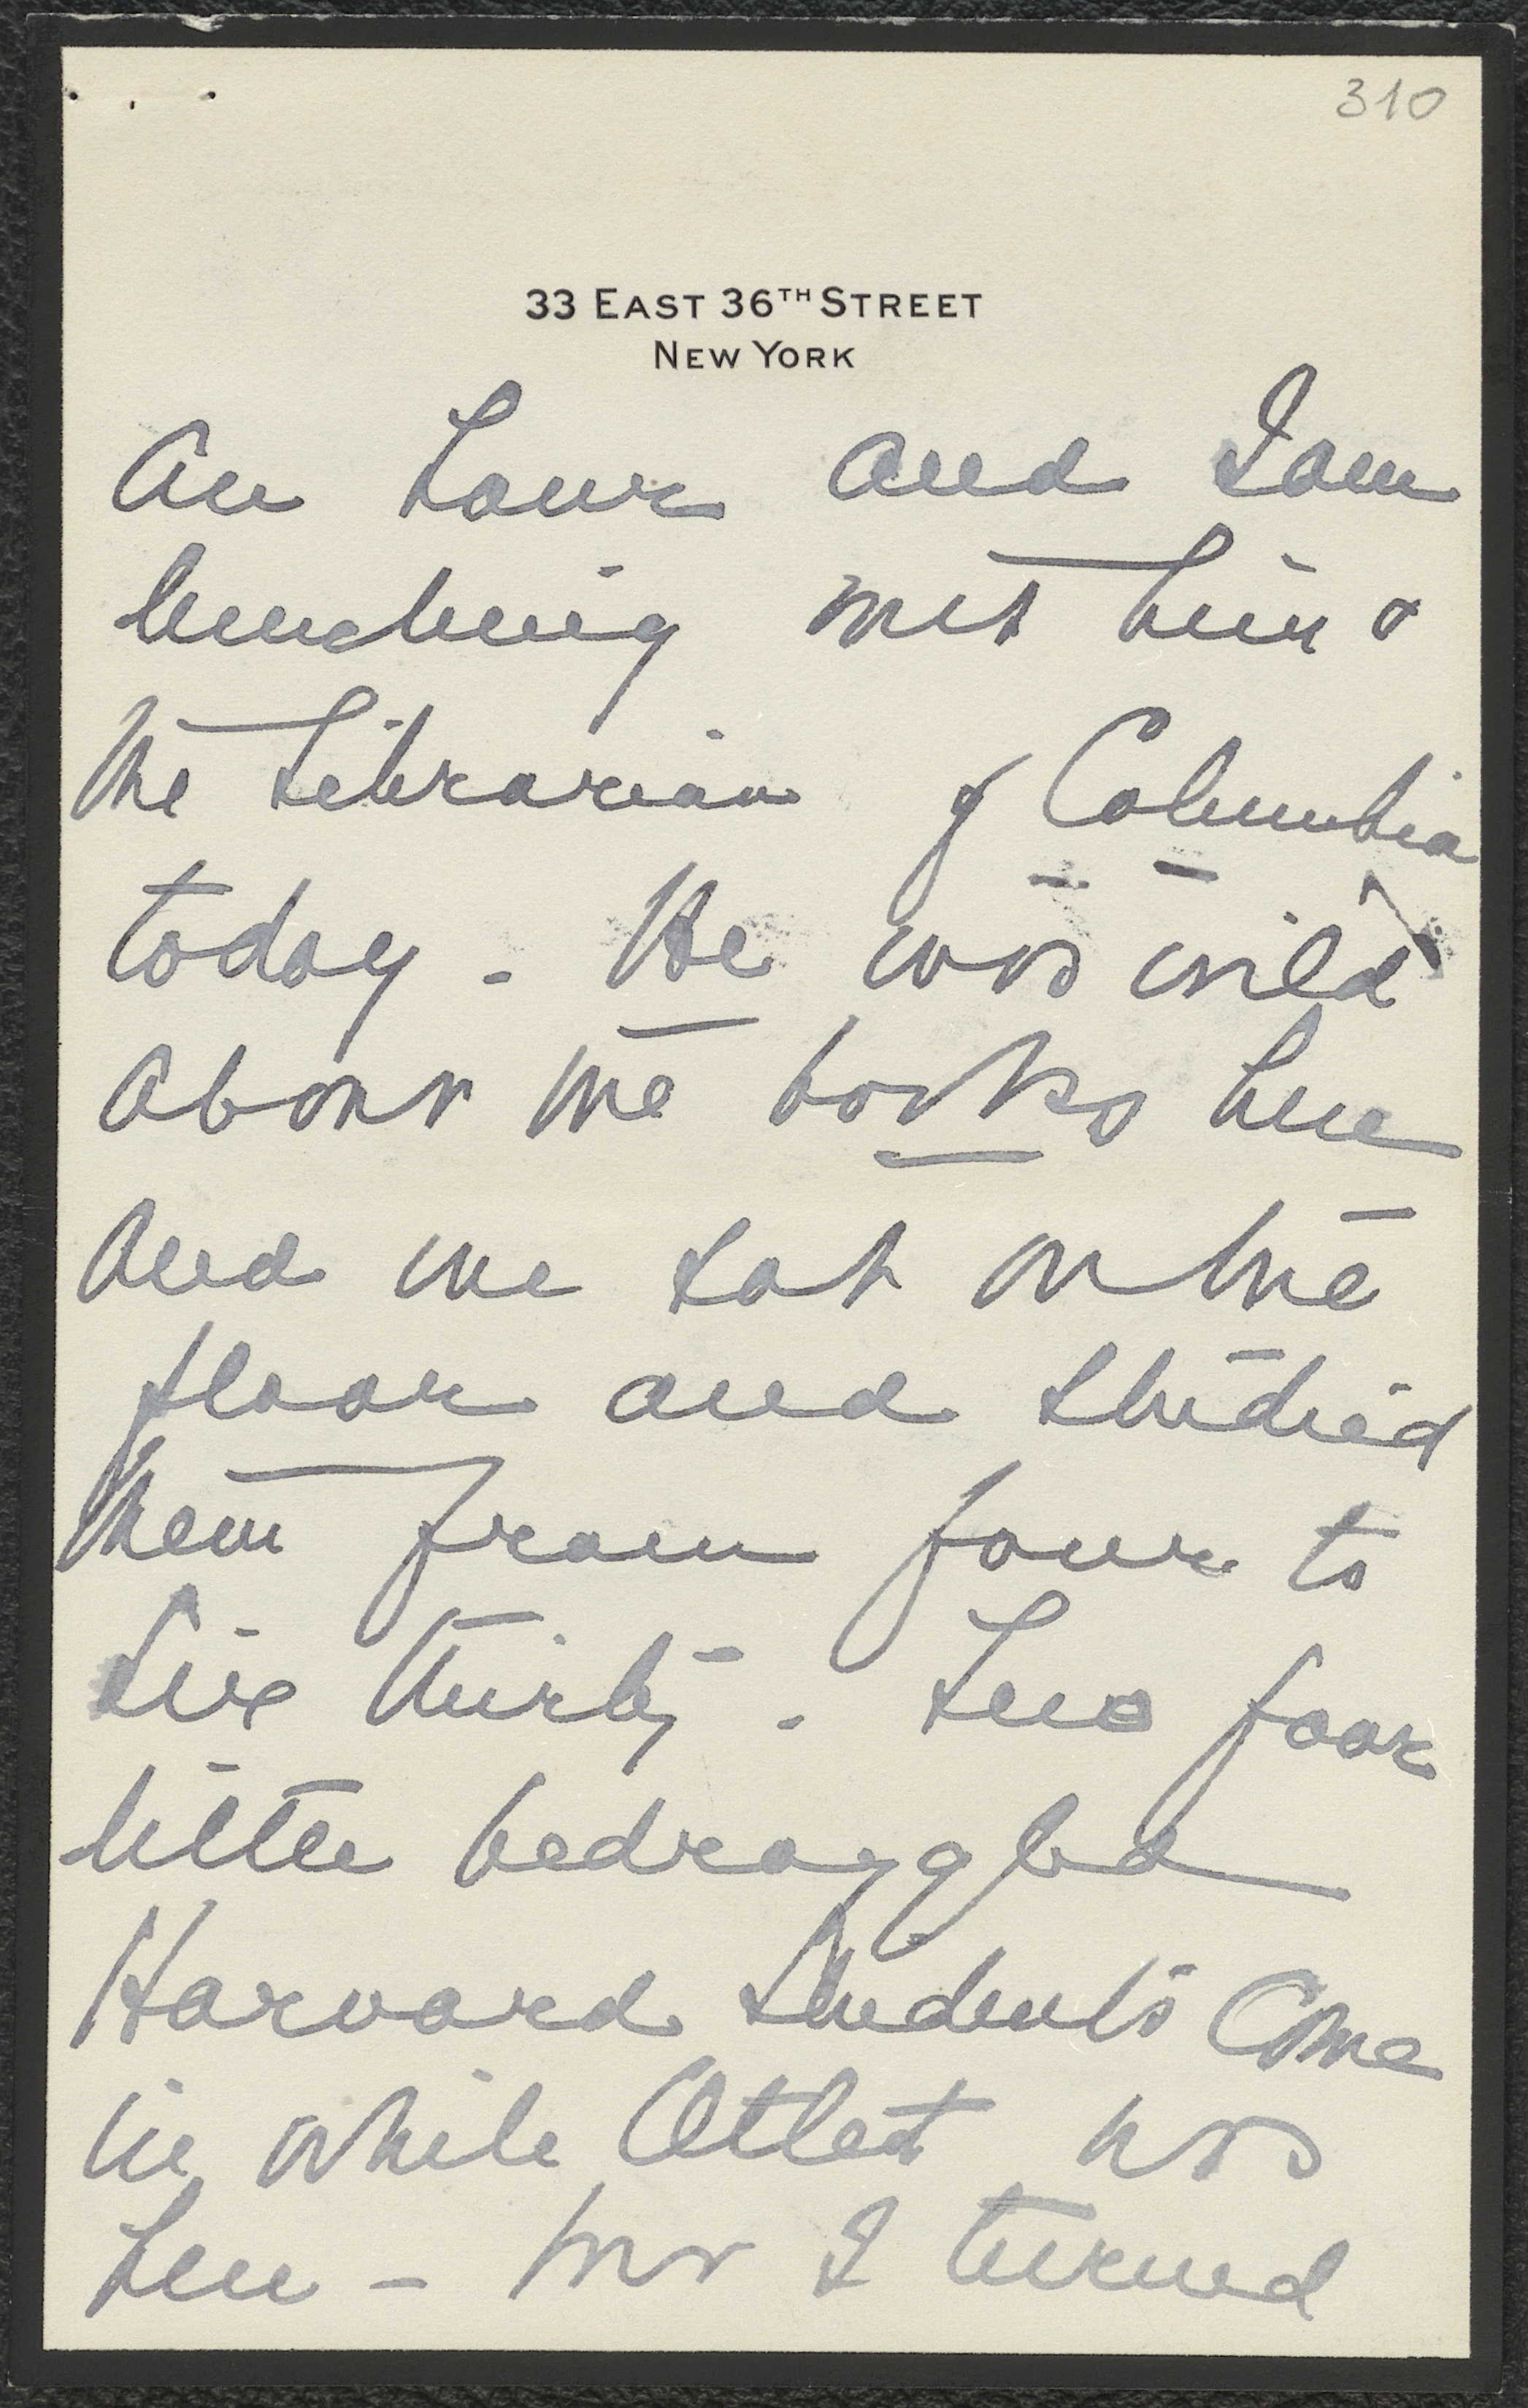an hour and I am lunching with him & the Librarian of Columbia today – He was wild about the books here and we sat on the floor and studied them from four to six thirty. Two poor little bedraggled Harvard Students came in while Otlet was here – but I turned